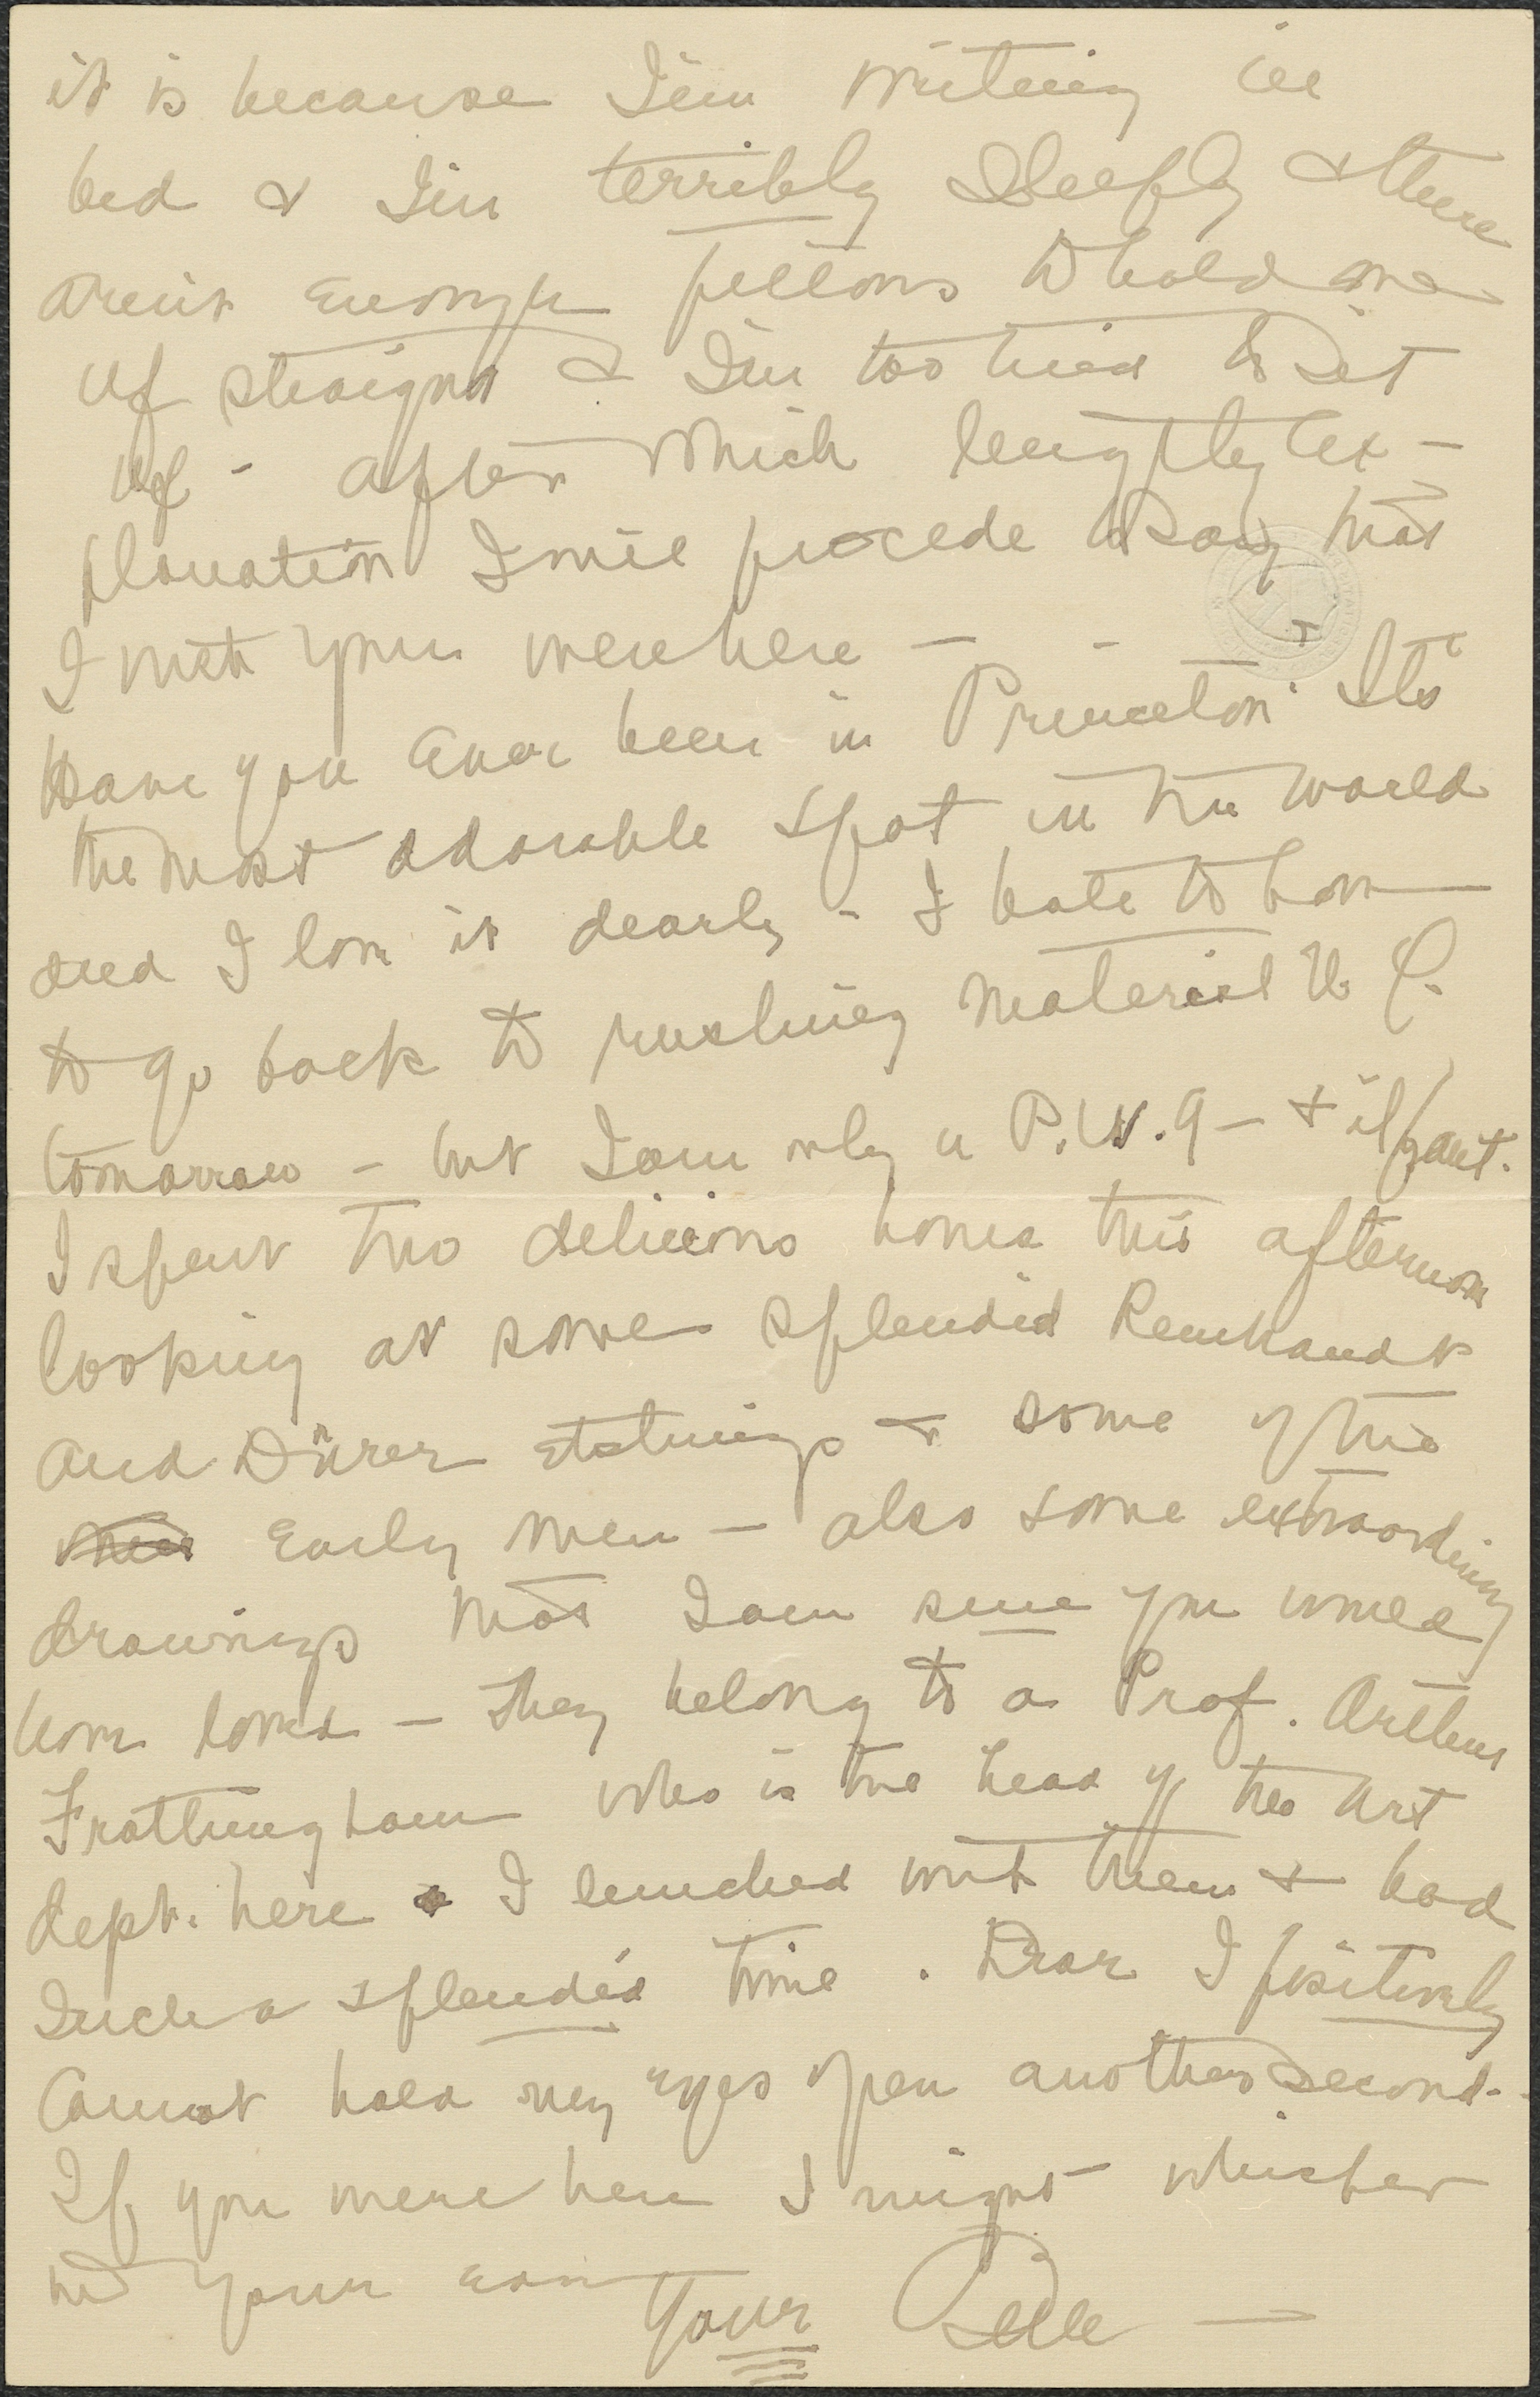it is because I’m writing in bed & I’m terribly sleepy & there aren’t enough pillows to hold me up straight & I’m too tired to sit up – after which lengthy explanation I will procede [sic] to say that I wish you were here –
Have you ever been in Princeton? It’s the most adorable spot in the world and I love it dearly – I hate to have to go back to rushing material N. Y. tomorrow – but I am only a P. W. G – & il faut. I spent two delicious hours this afternoon looking at some splendid Rembrandt and Dürer etchings & some of the [illegible deletion] early [mss?] – also some extraordinary drawings that I am sure you would have loved – They belong to a Prof. Arthur Frothingham who is the head of the art dept. here & I lunched with them & had such a splendid time. Dear I positively cannot hold my eyes open another second – If you were here I might whisper in your ear
[triple underlined: Your] Belle –